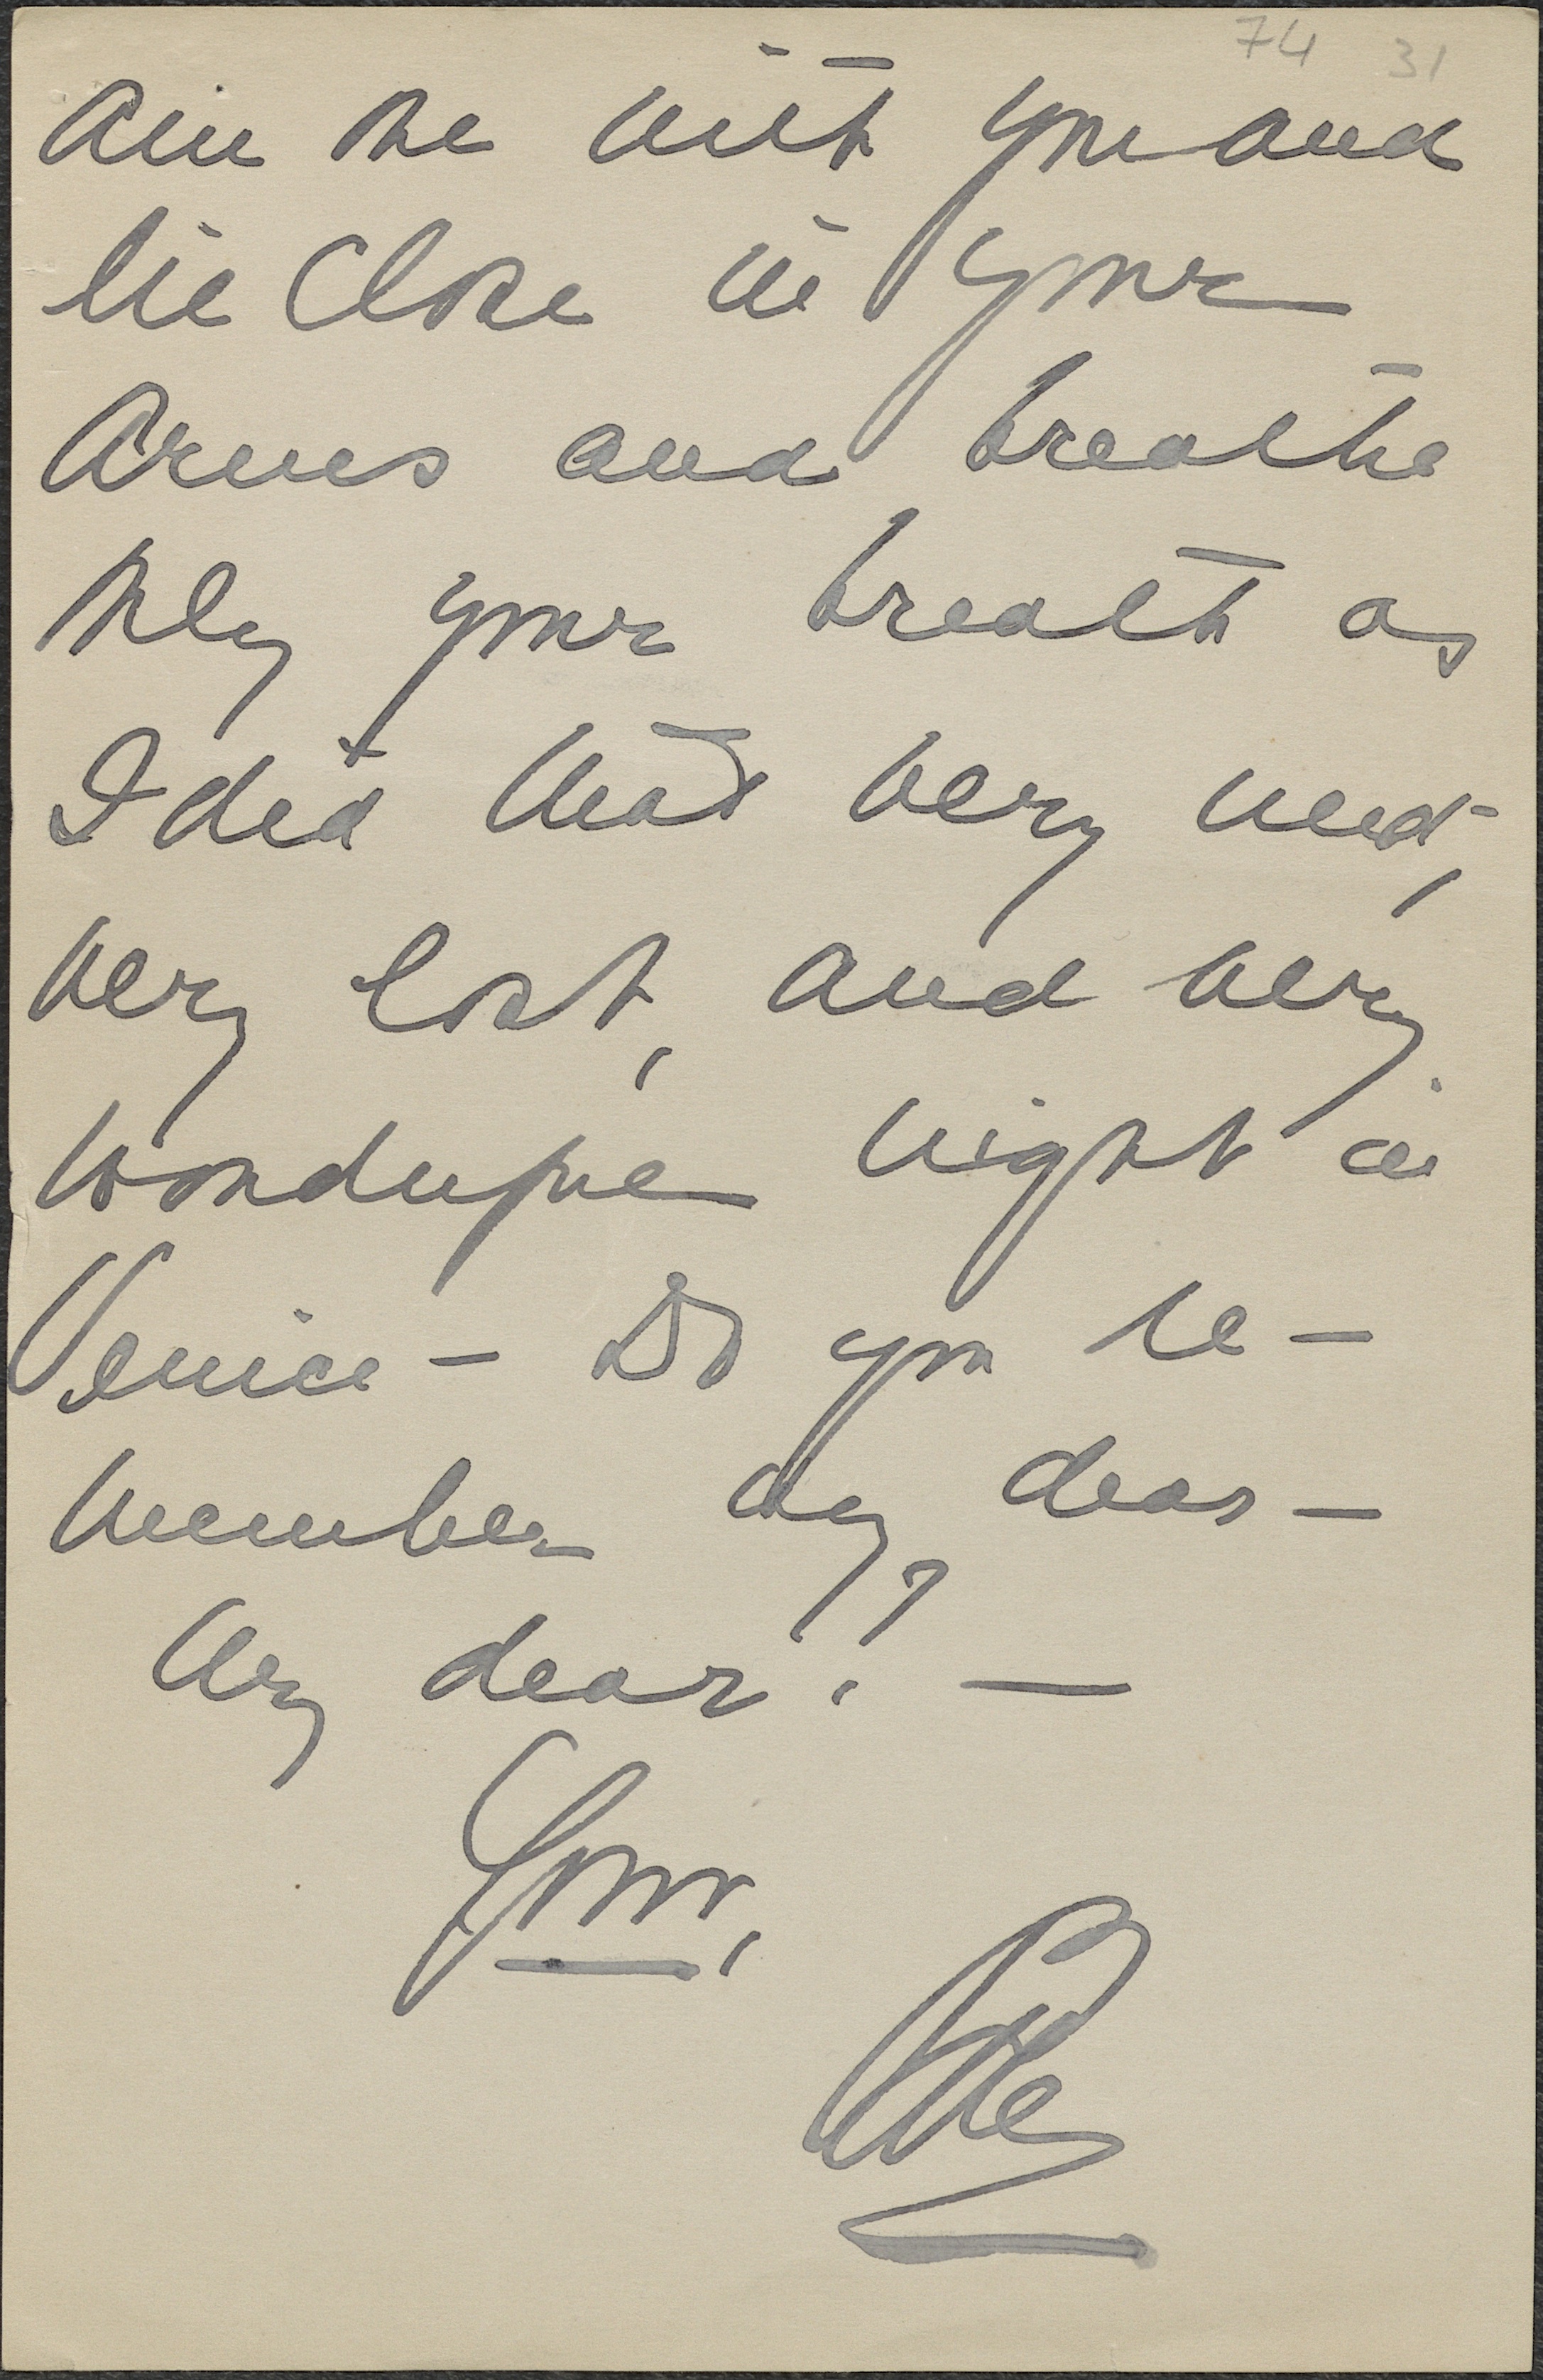am one with you and lie close in your arms and breathe only your breath as I did that very next, very last, and very wonderful night in Venice – Do you remember my dear – my dear? –
Your,
Belle